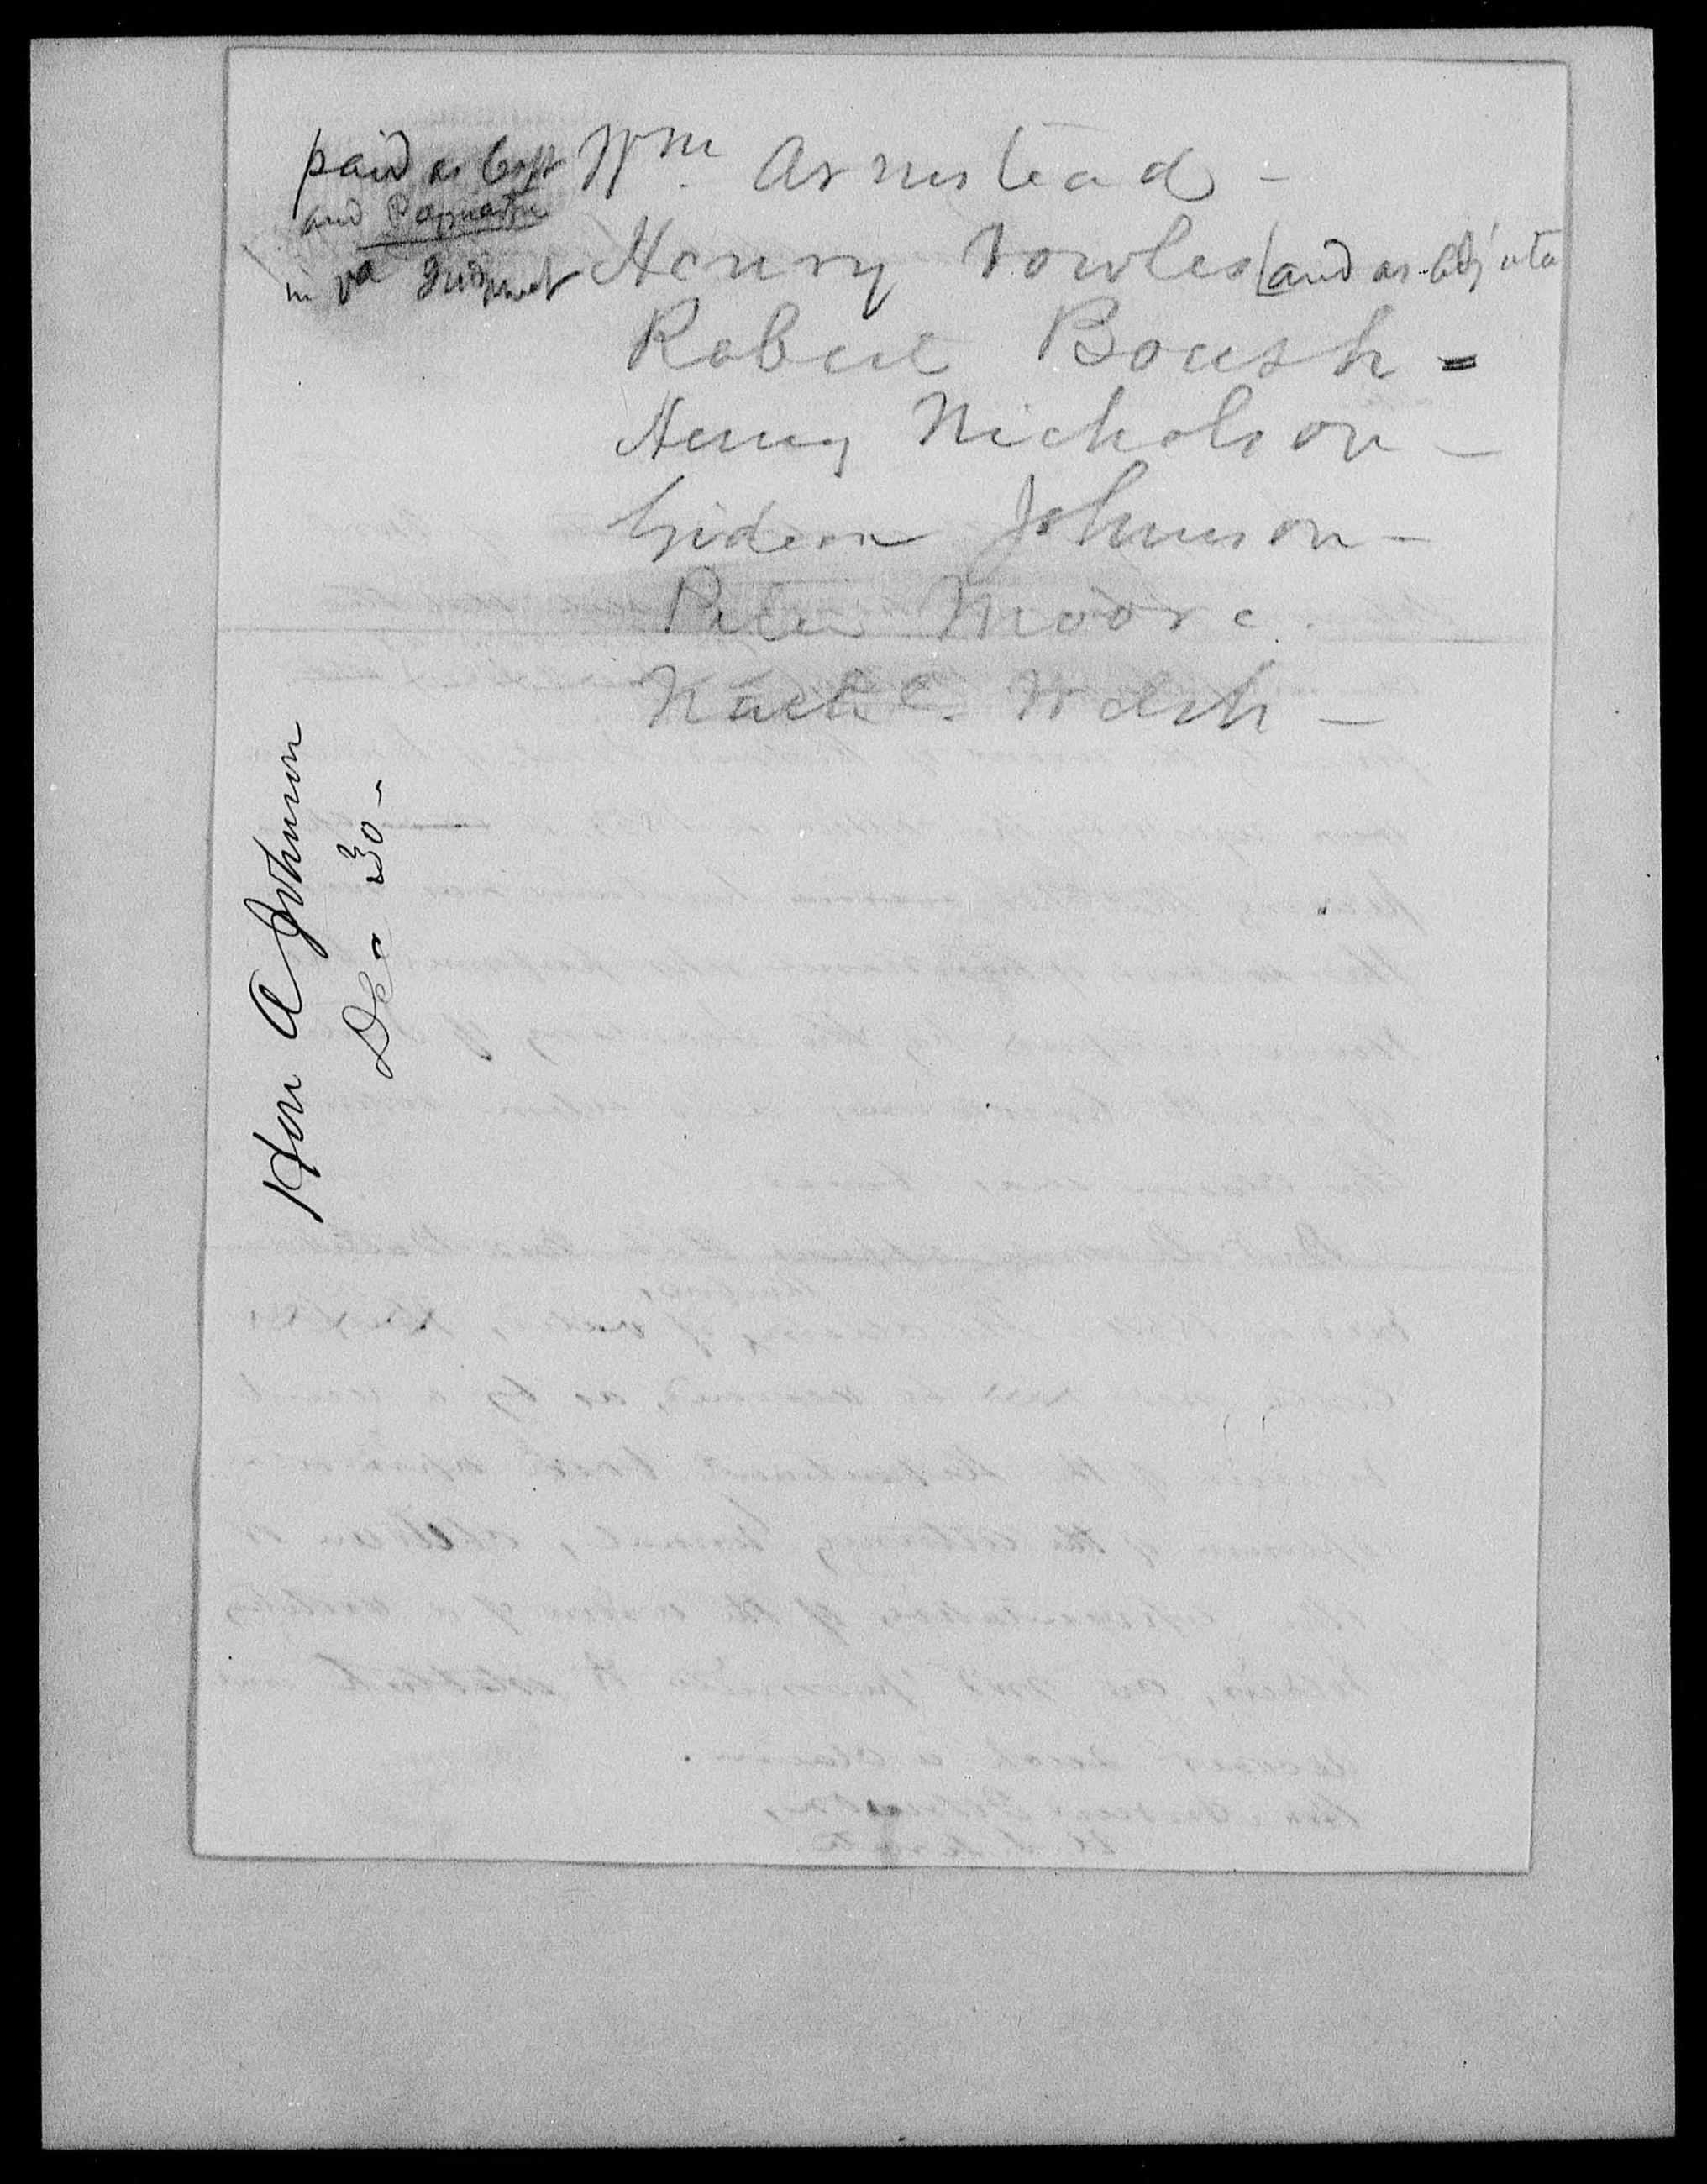paid as Goff
and Papnatre [?]
in Va gunpowder

Wm. Armstead -
Henry Fowles and an [???]
Robert Boush -
Henry Michelson -
Gideon Johnson -
Peter Moore
N[???] Walsh -

Hon A Johnson 
Dec 30-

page: 3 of 33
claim: rejected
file: R. 1554, for Richard Jones, North Carolina